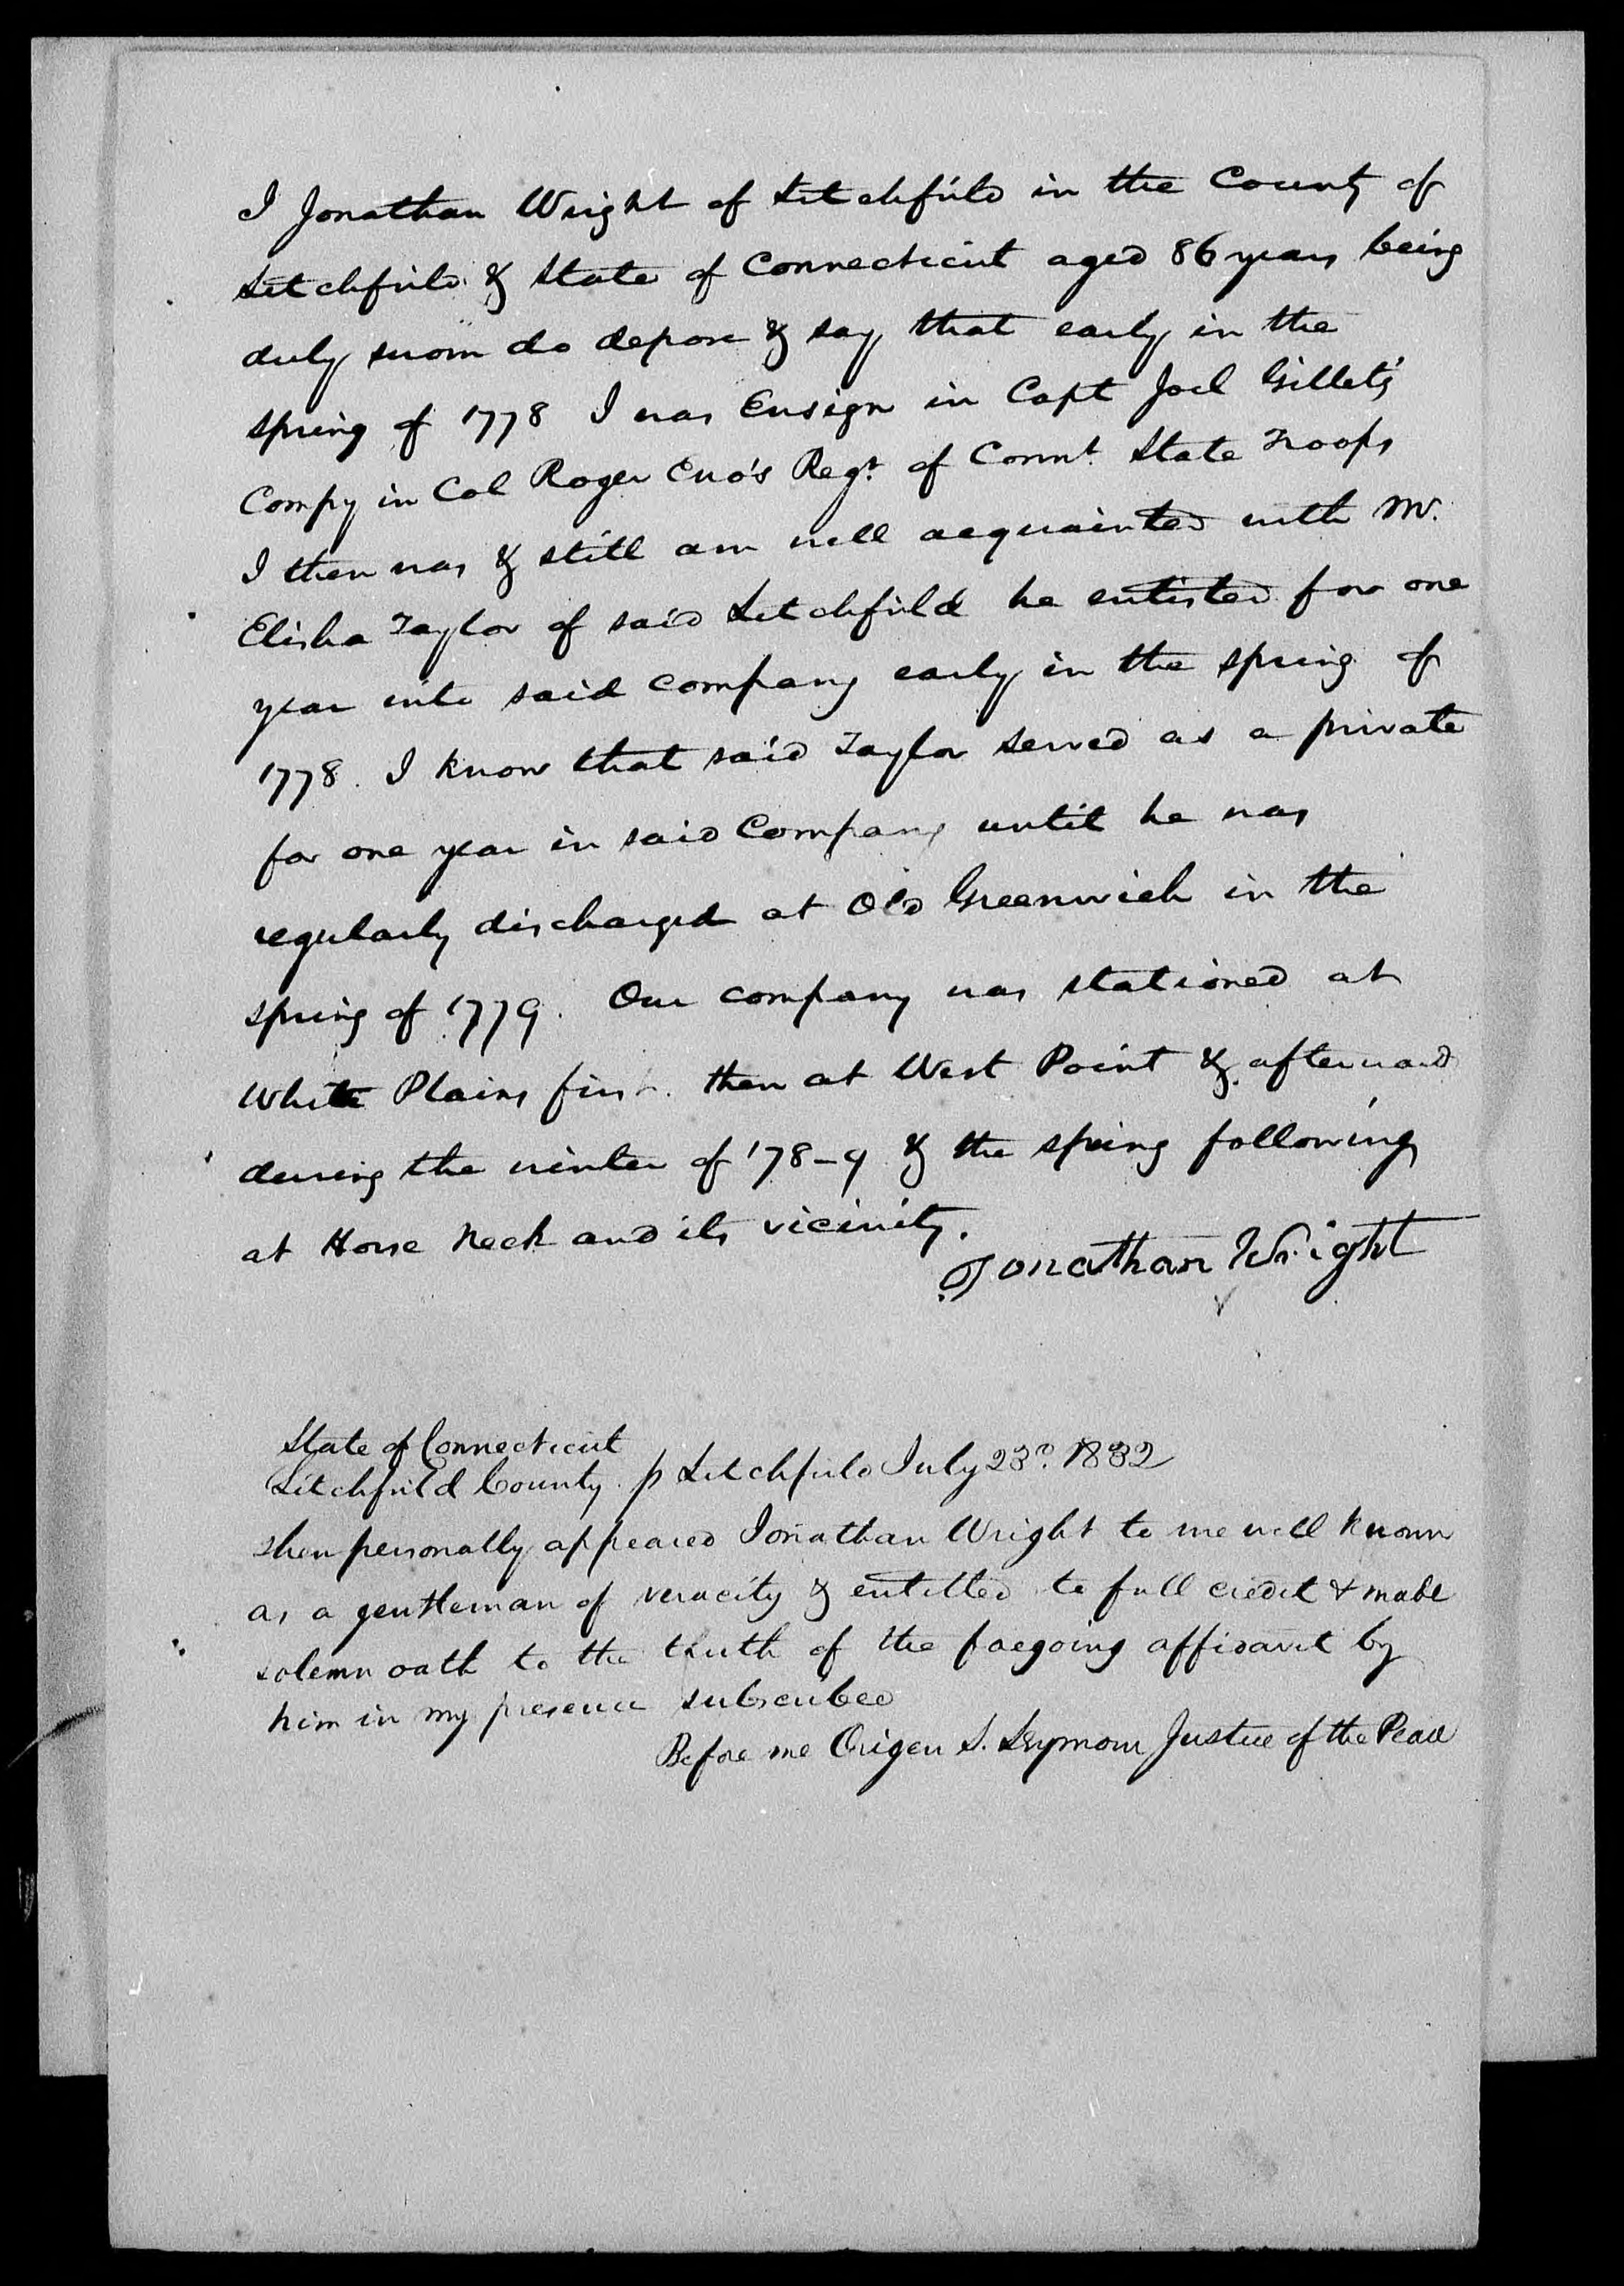I Jonathan Wright of Litchfield in the County of Litchfield & State of Connecticut aged 86 years being duly sworn do depose & say that early in the Spring of 1778 I was Ensign in Capt Joel Gillet's Compy in Col Roger Eno's REgt. of Connt. State Troops. I was & still am well acquainted with Mr. Elisha Taylor of said Litchfield. He enlisted for one year into said company early in the spring of 1778. I know that said Taylor served as a private for one year in said Company until he was regularly discharged at Old Greenwich in the spring of 1779. Our company was stationed at White Plains first, then at West Point & afterward during the winter of '78-9 & the spring following, at Horse Neck and its Vicinity.
Jonathan Wright

State of Connecticut Litchfield County ss Litchfield July 23rd 1832 when personally appeared Jonathan Wright to me well known as a gentleman of veracity & entitled to full credit & made solemn oath to the truth of the foregoing affidavit by him in my presence subscribed.
Before me Origen S. Seymour Justice of the Peace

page: 9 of 16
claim: survivor's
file: S. 17722, for Elisha Taylor, Connecticut